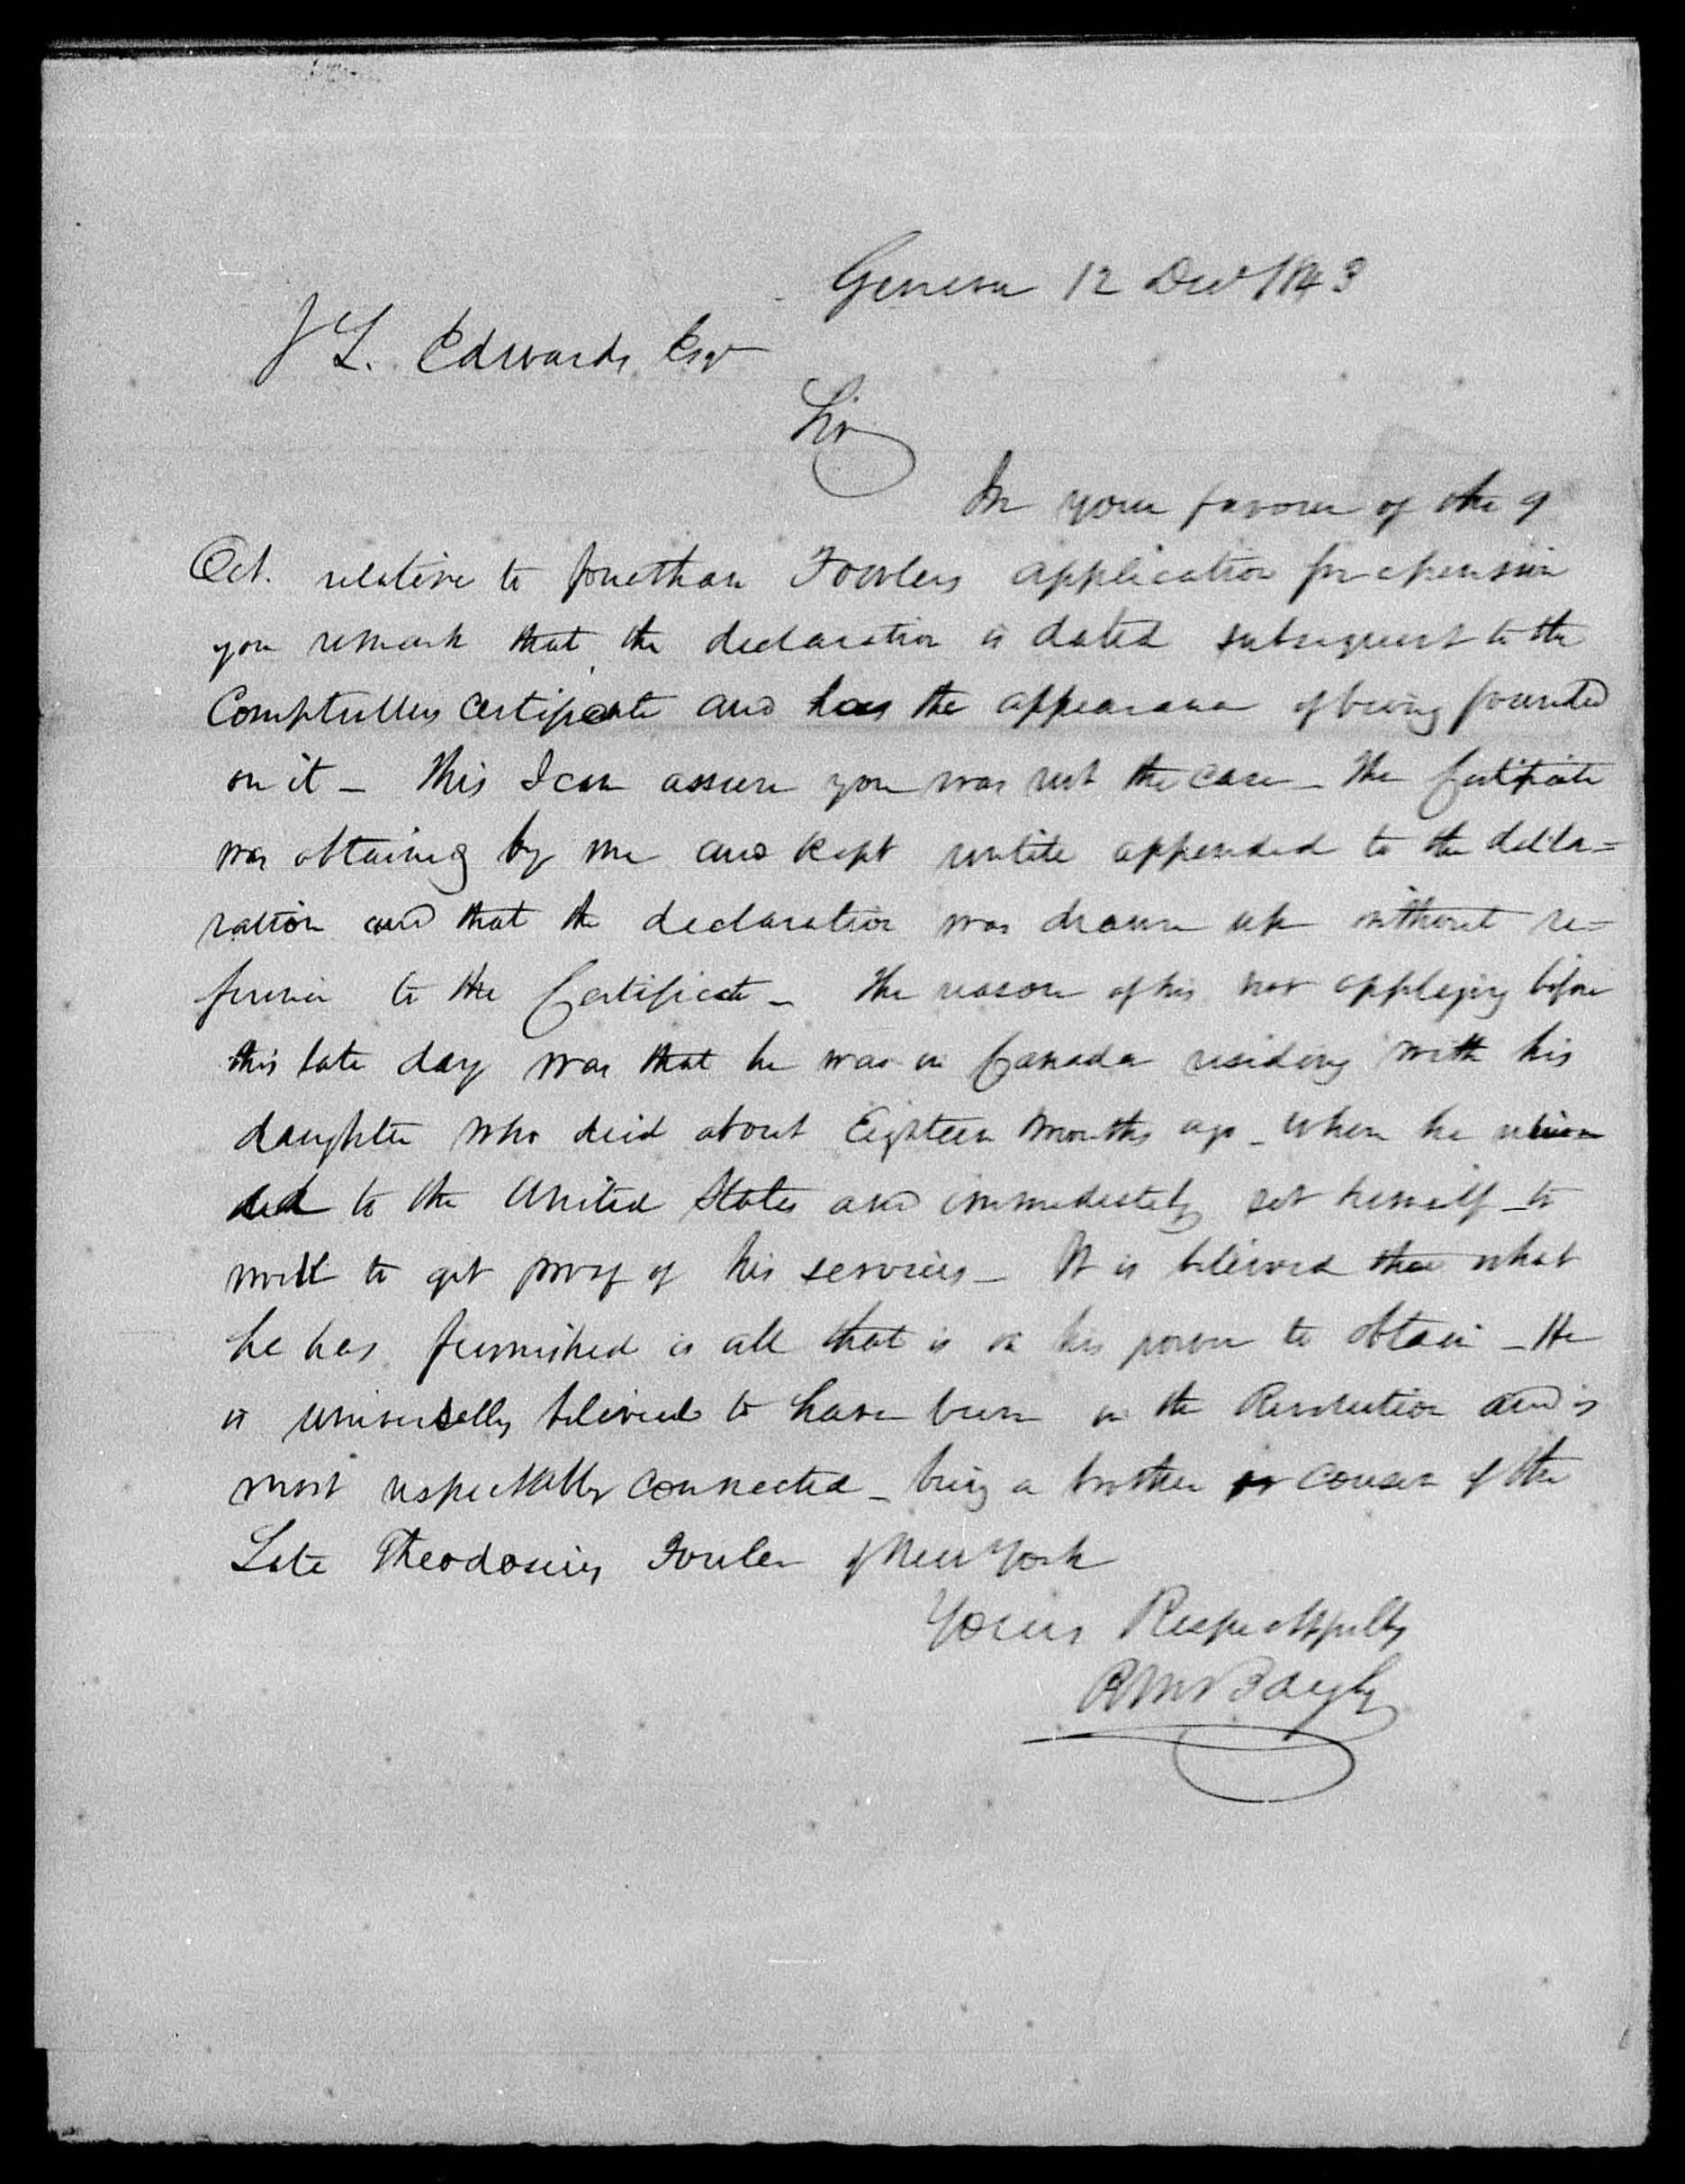Geneva 12 Dec 1843
J.L. Edwards Esq.
Sir
In your favour of the 9 Oct. relative to Jonathan Fowlers application for pension you remark that the declaration is dated subsequent to the Comptrollers Certificate and has the appearance of being [illegible] on it. This I can assure you was not the case. The [illegible] was obtaining by me and kept until appended to the declaration and that the declaration was drawn up without [illegible] to the certificate. The reason of his not applying before this late day was that he was in Canada residing with his daughter who died about eighteen months ago. When he [illegible] to the United States and immediately set himself to work to get proof of his services. It is believed that what he has furnished is all that is in his power to obtain. He is universally believed to have been in the Revoltuion and is most respectably connected, being a brother or cousin of the late Theodorius Fowler of New York.
Yours Respectfully
R.M. Bayly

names: J L Edwards, Jonathan Fowler, R M Bayly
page: 20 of 44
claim: survivor's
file: S. 23639, Jonathan Fowler, New York